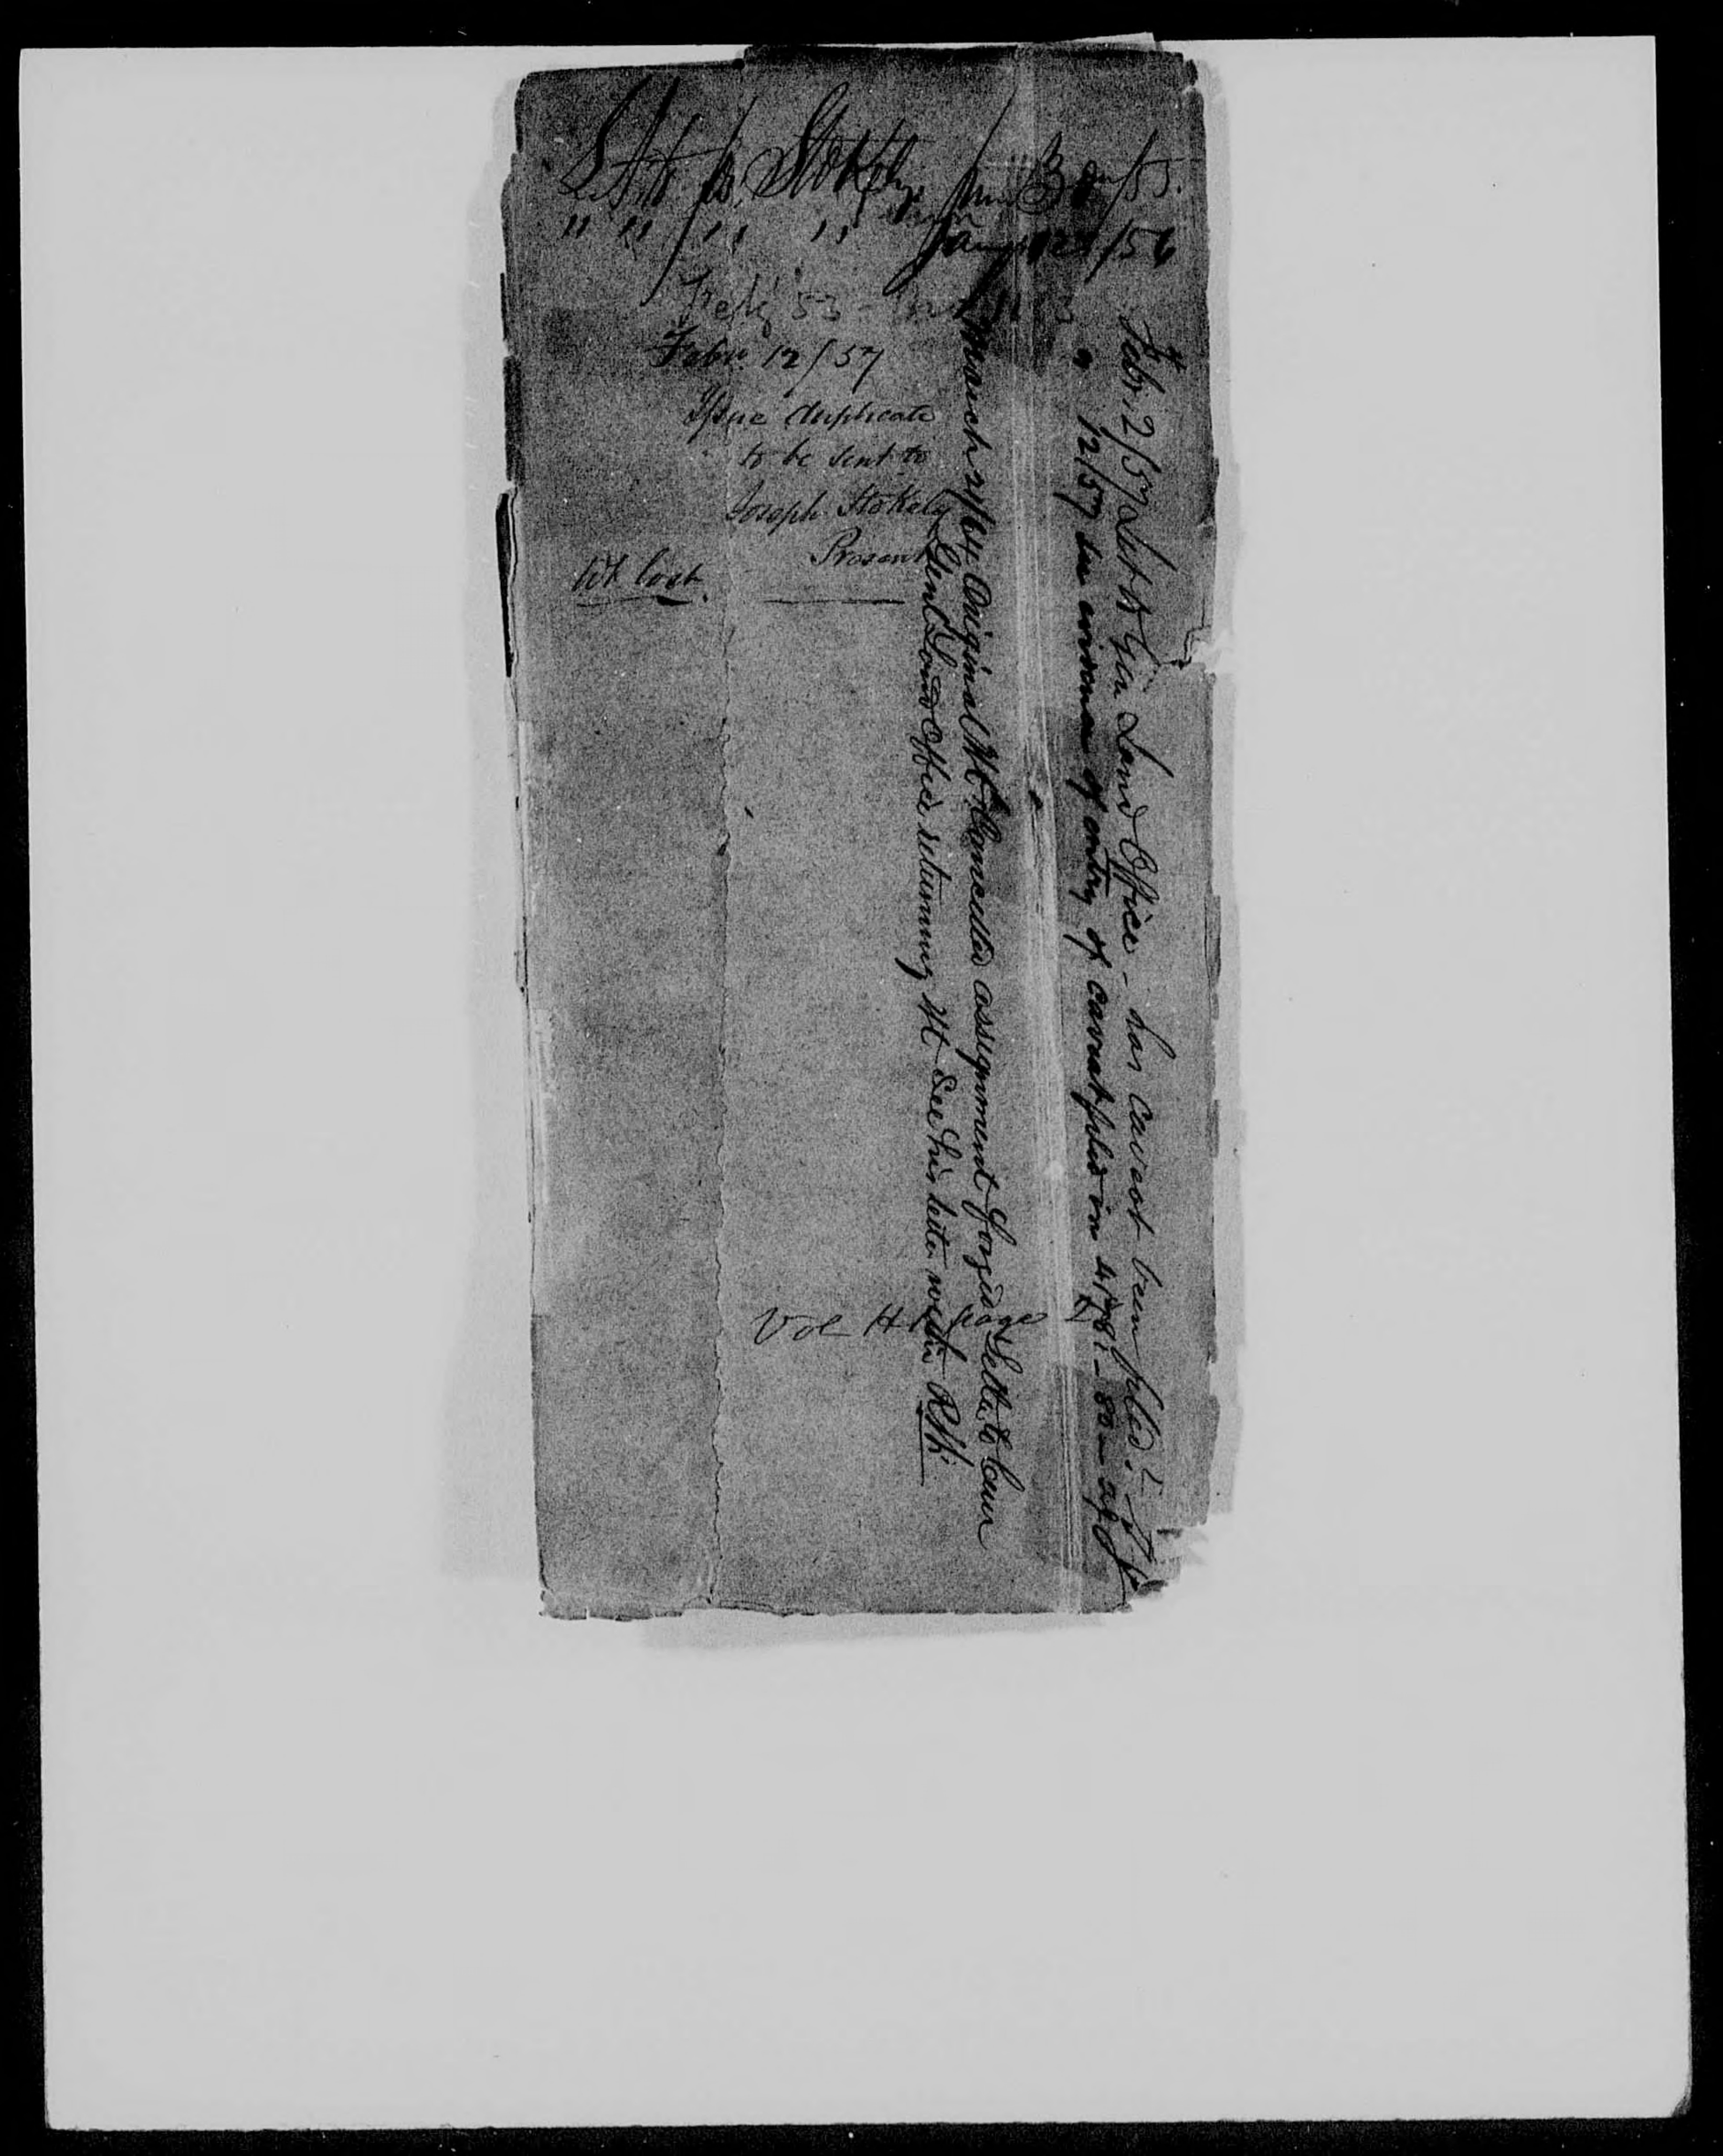Joseph Stokeley
" " " " 55
January 12/56
Feb 55

Feb 12/57 Give duplicate to be sent to Joseph Stokely, Prothonotary
[other text illegible]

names: Joseph Stokeley, J Stokely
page: 6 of 92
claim: widow's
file: W 1173, Robert Hamill, Penn.